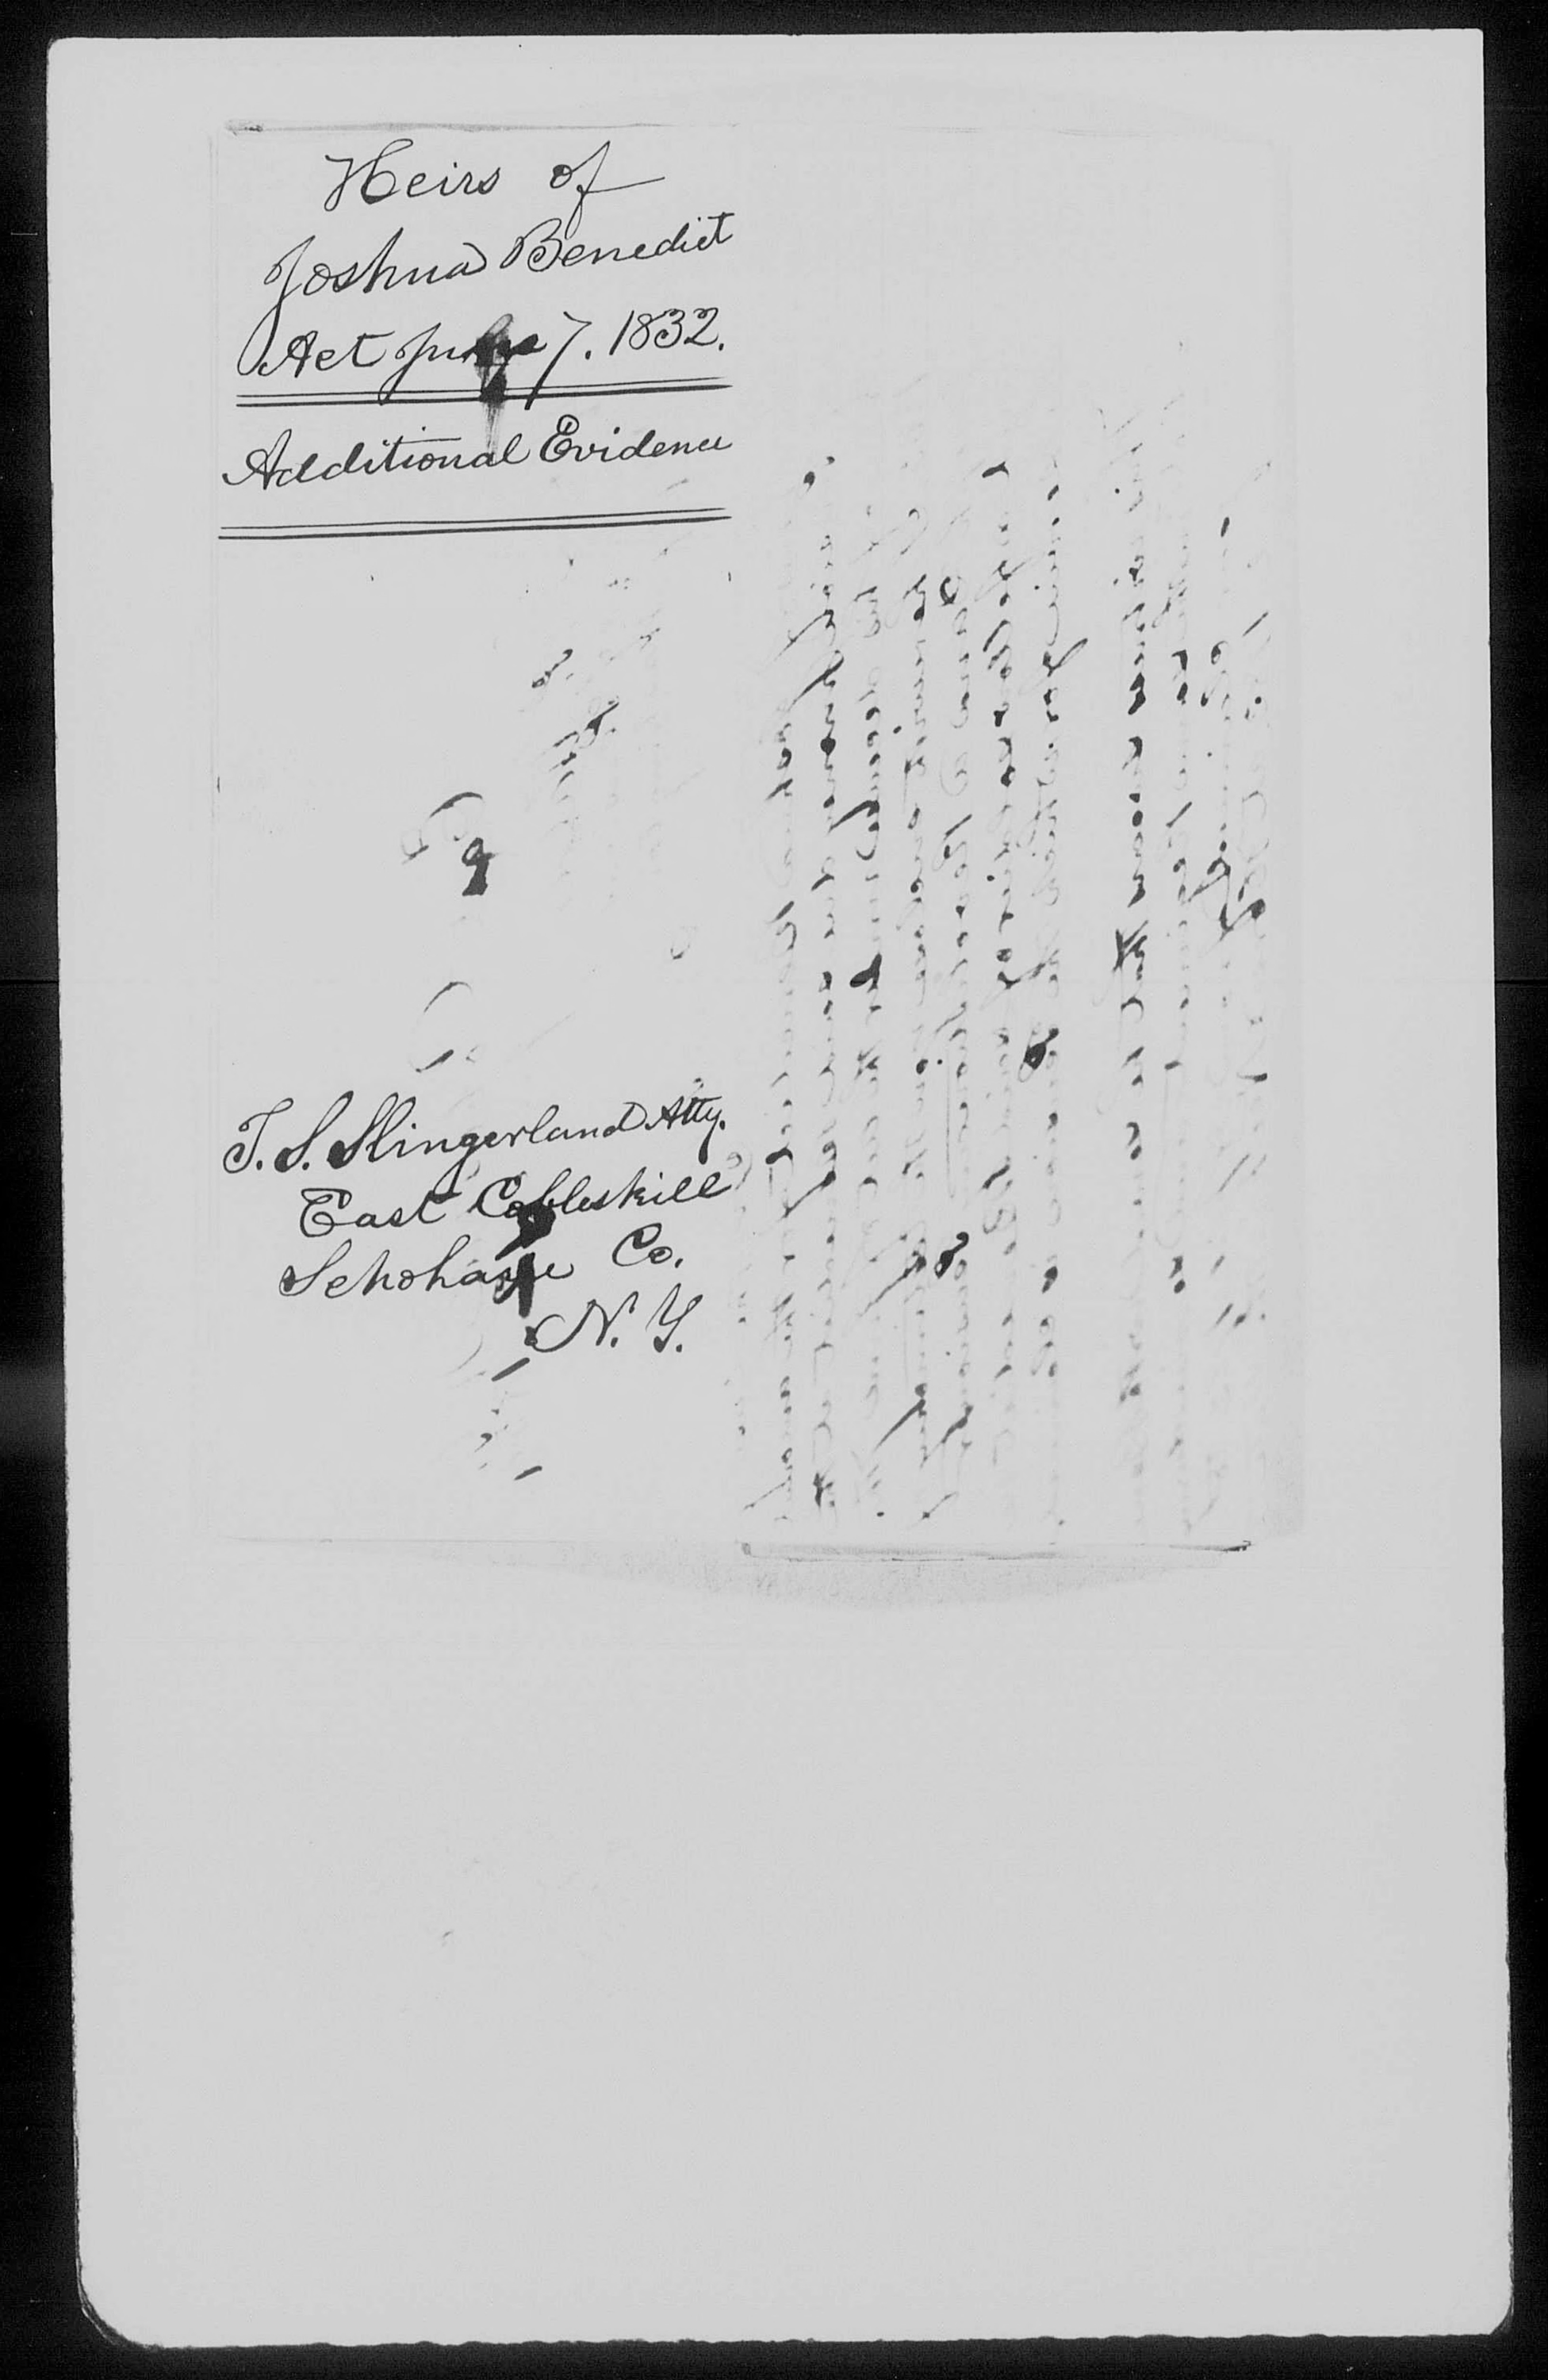Heirs of Joshua Benedict
Act June 7. 1832

Additional Evidence

T. S. Slingerland
East Cobleskill
Schoharie Co.
N. Y.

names: Joshua Benedict, T S Slingerland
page: 70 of 106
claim: survivor's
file: S 23,116., Joshua Benedict, Conn.